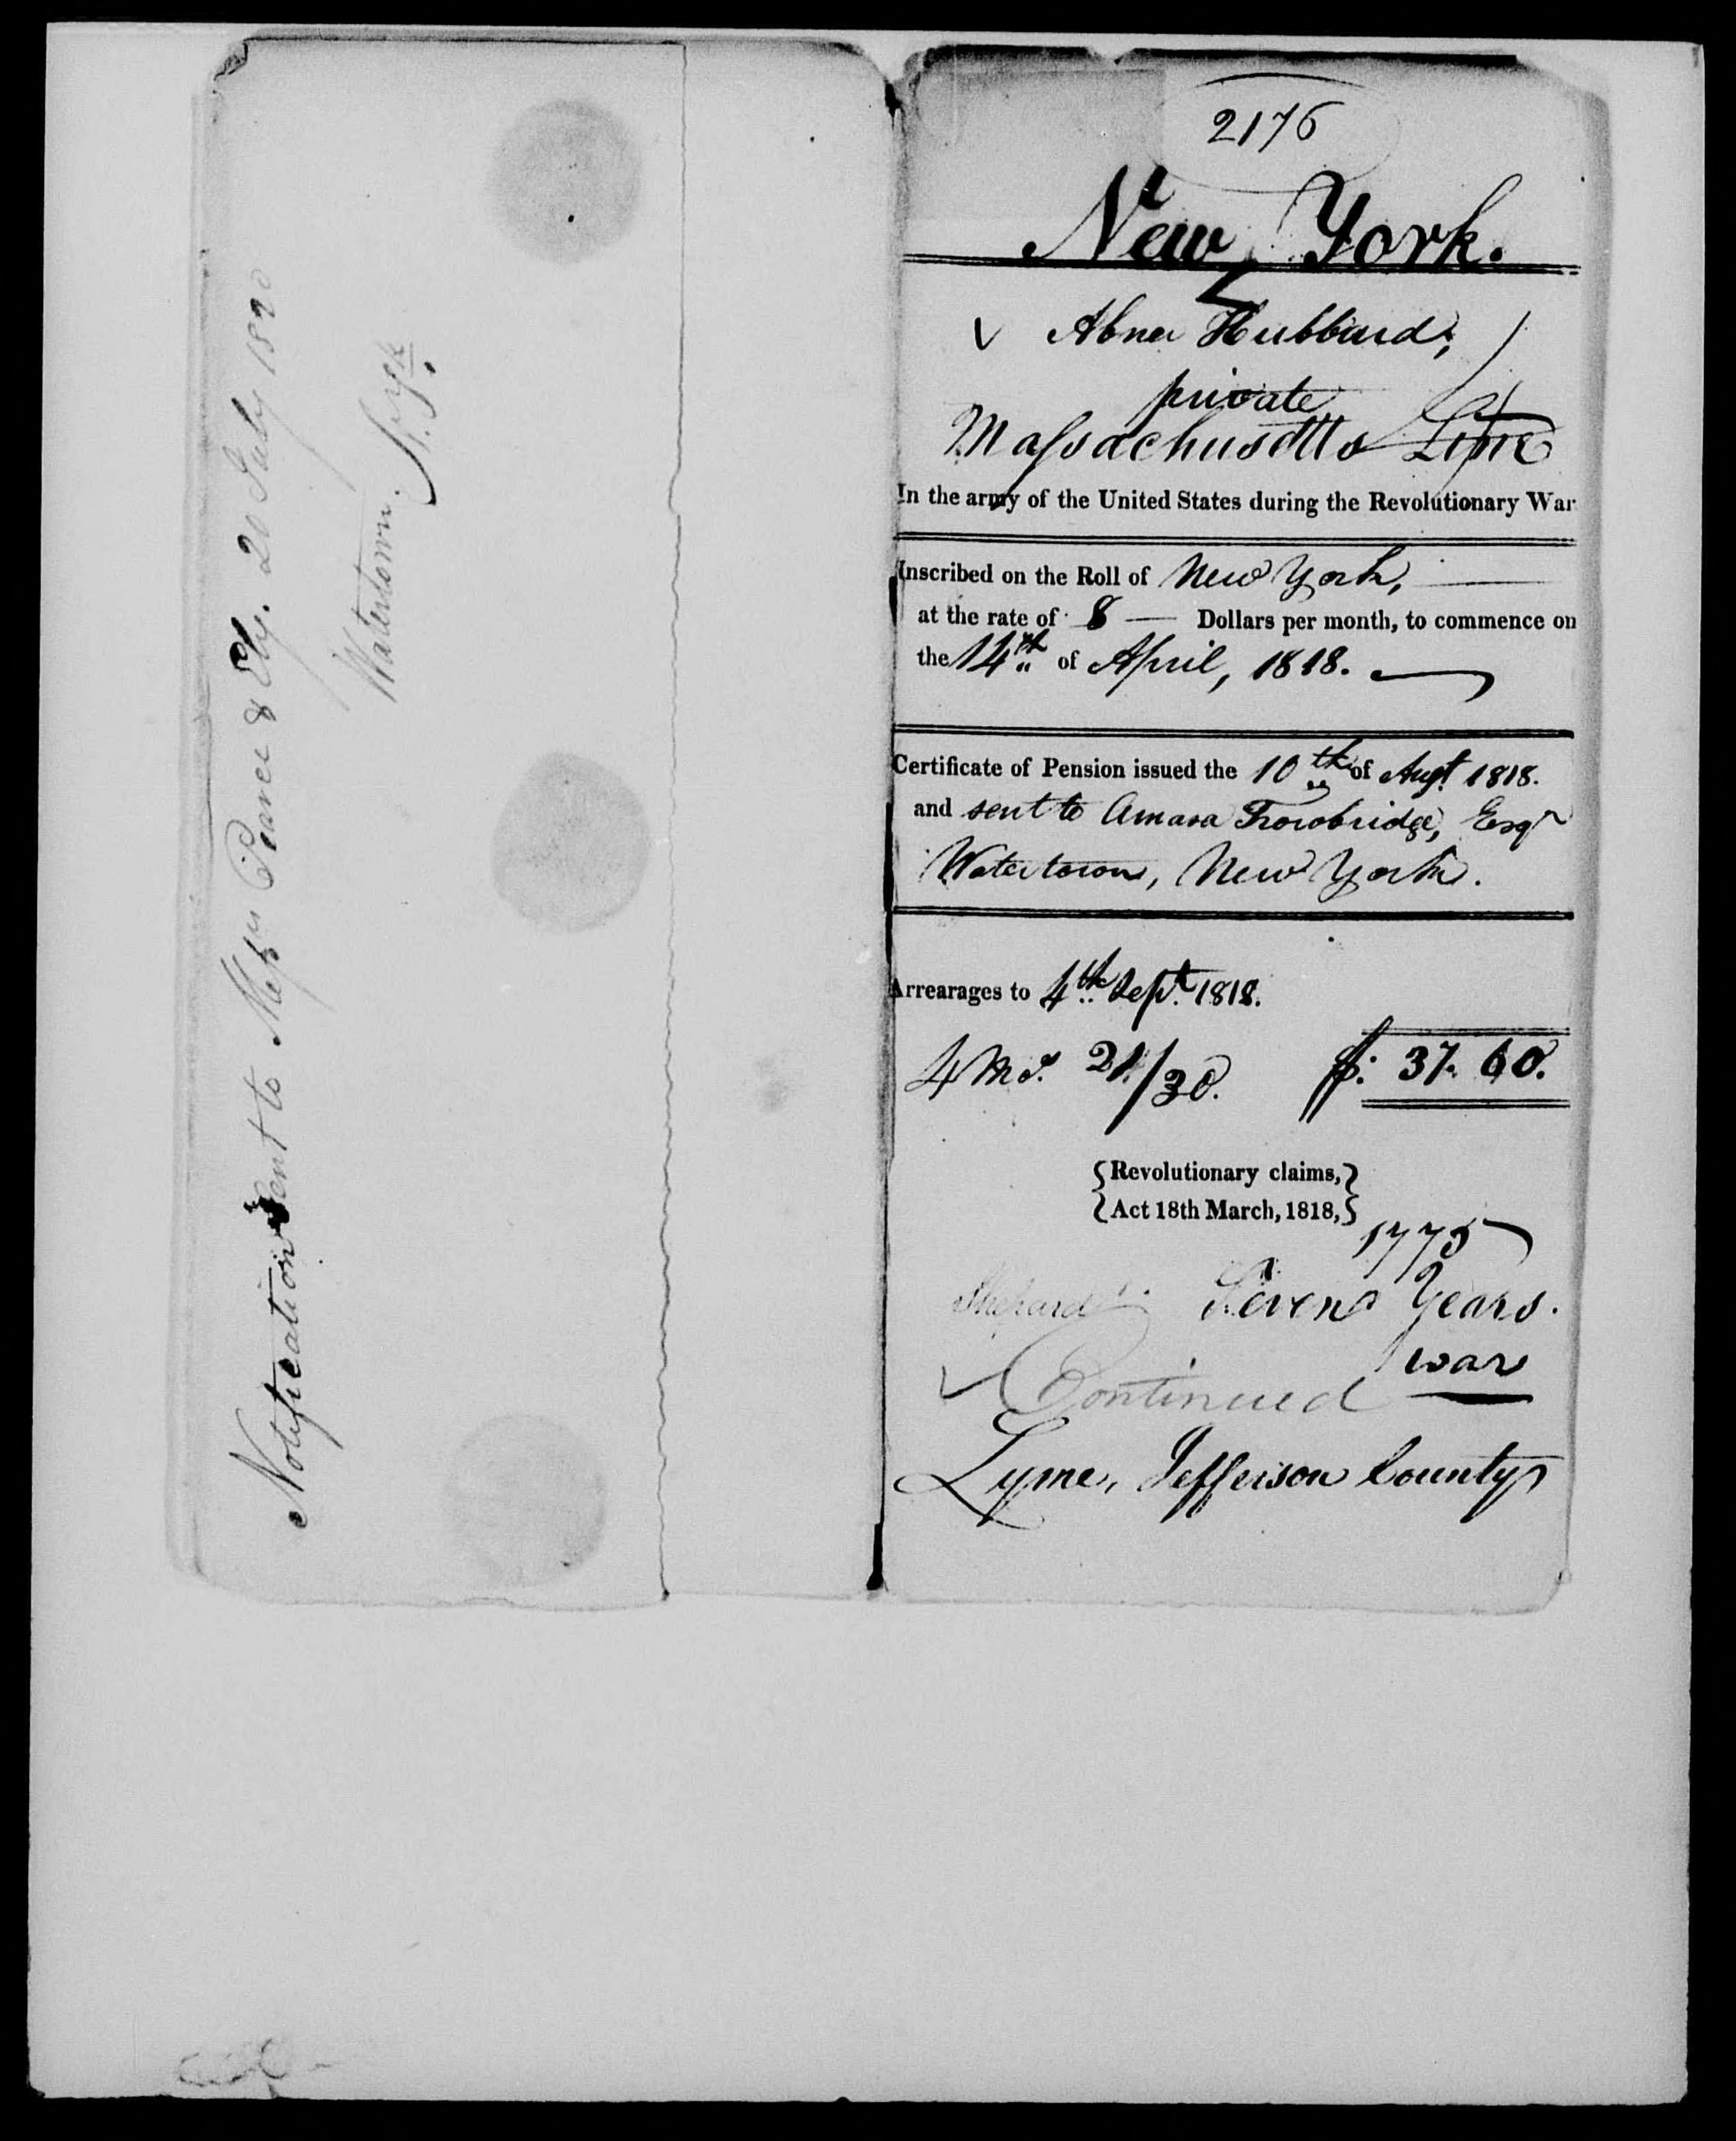2176
New York
Abner Hubbard;
private
Massachusetts Litie
in the army of the United States during the Revolutionary War

Inscribed on the Roll of New York
at the rate of 8 Dollars per month, to commence on
the 14th of April, 1848.

Certificate of Pension issued the 10th of August 1818.
and sent to Amara Thorobridge, Esq
Watertown, New York

Arrearages to 4th Sept 1818.
4th of 21/30 $: 37.60.
revolutionary claims,
Act 18th March, 1818
Shepard Learn 1775 years.
Continued wars
Lyne, Jefferson County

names: Amasa Trowbridge, Pearce, Shepard, Ely, Abner Hubbard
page: 10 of 38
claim: widow's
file: W. 23,381, Abner Hubbard, Continental Mass.